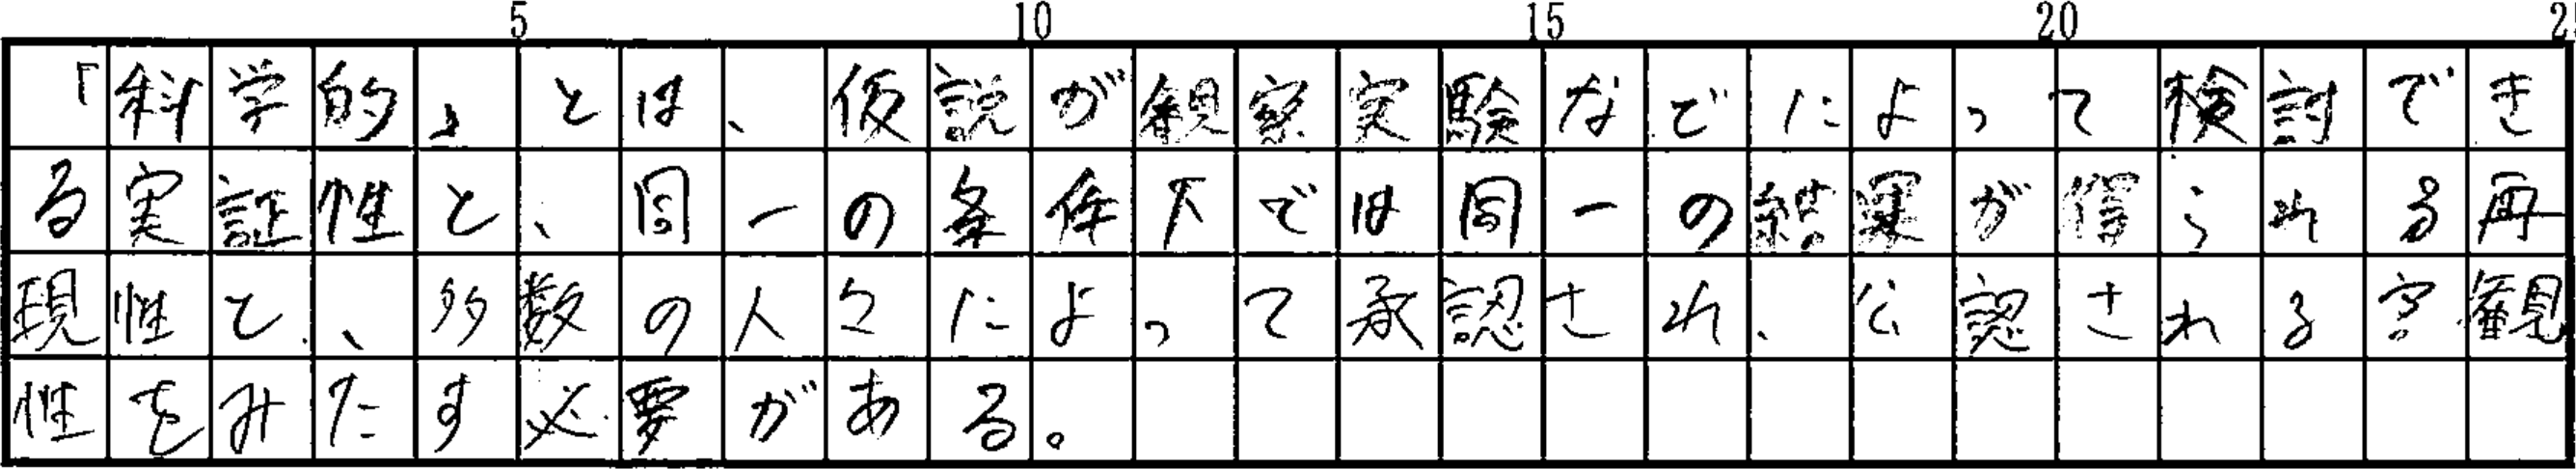「科学的」とは、仮説が観察実験などによって検討できる実証性と、同一の条件下では同一の結果が得られる再現性と、多数の人々によって承認され、公認される客観性をみたす必要がある。
